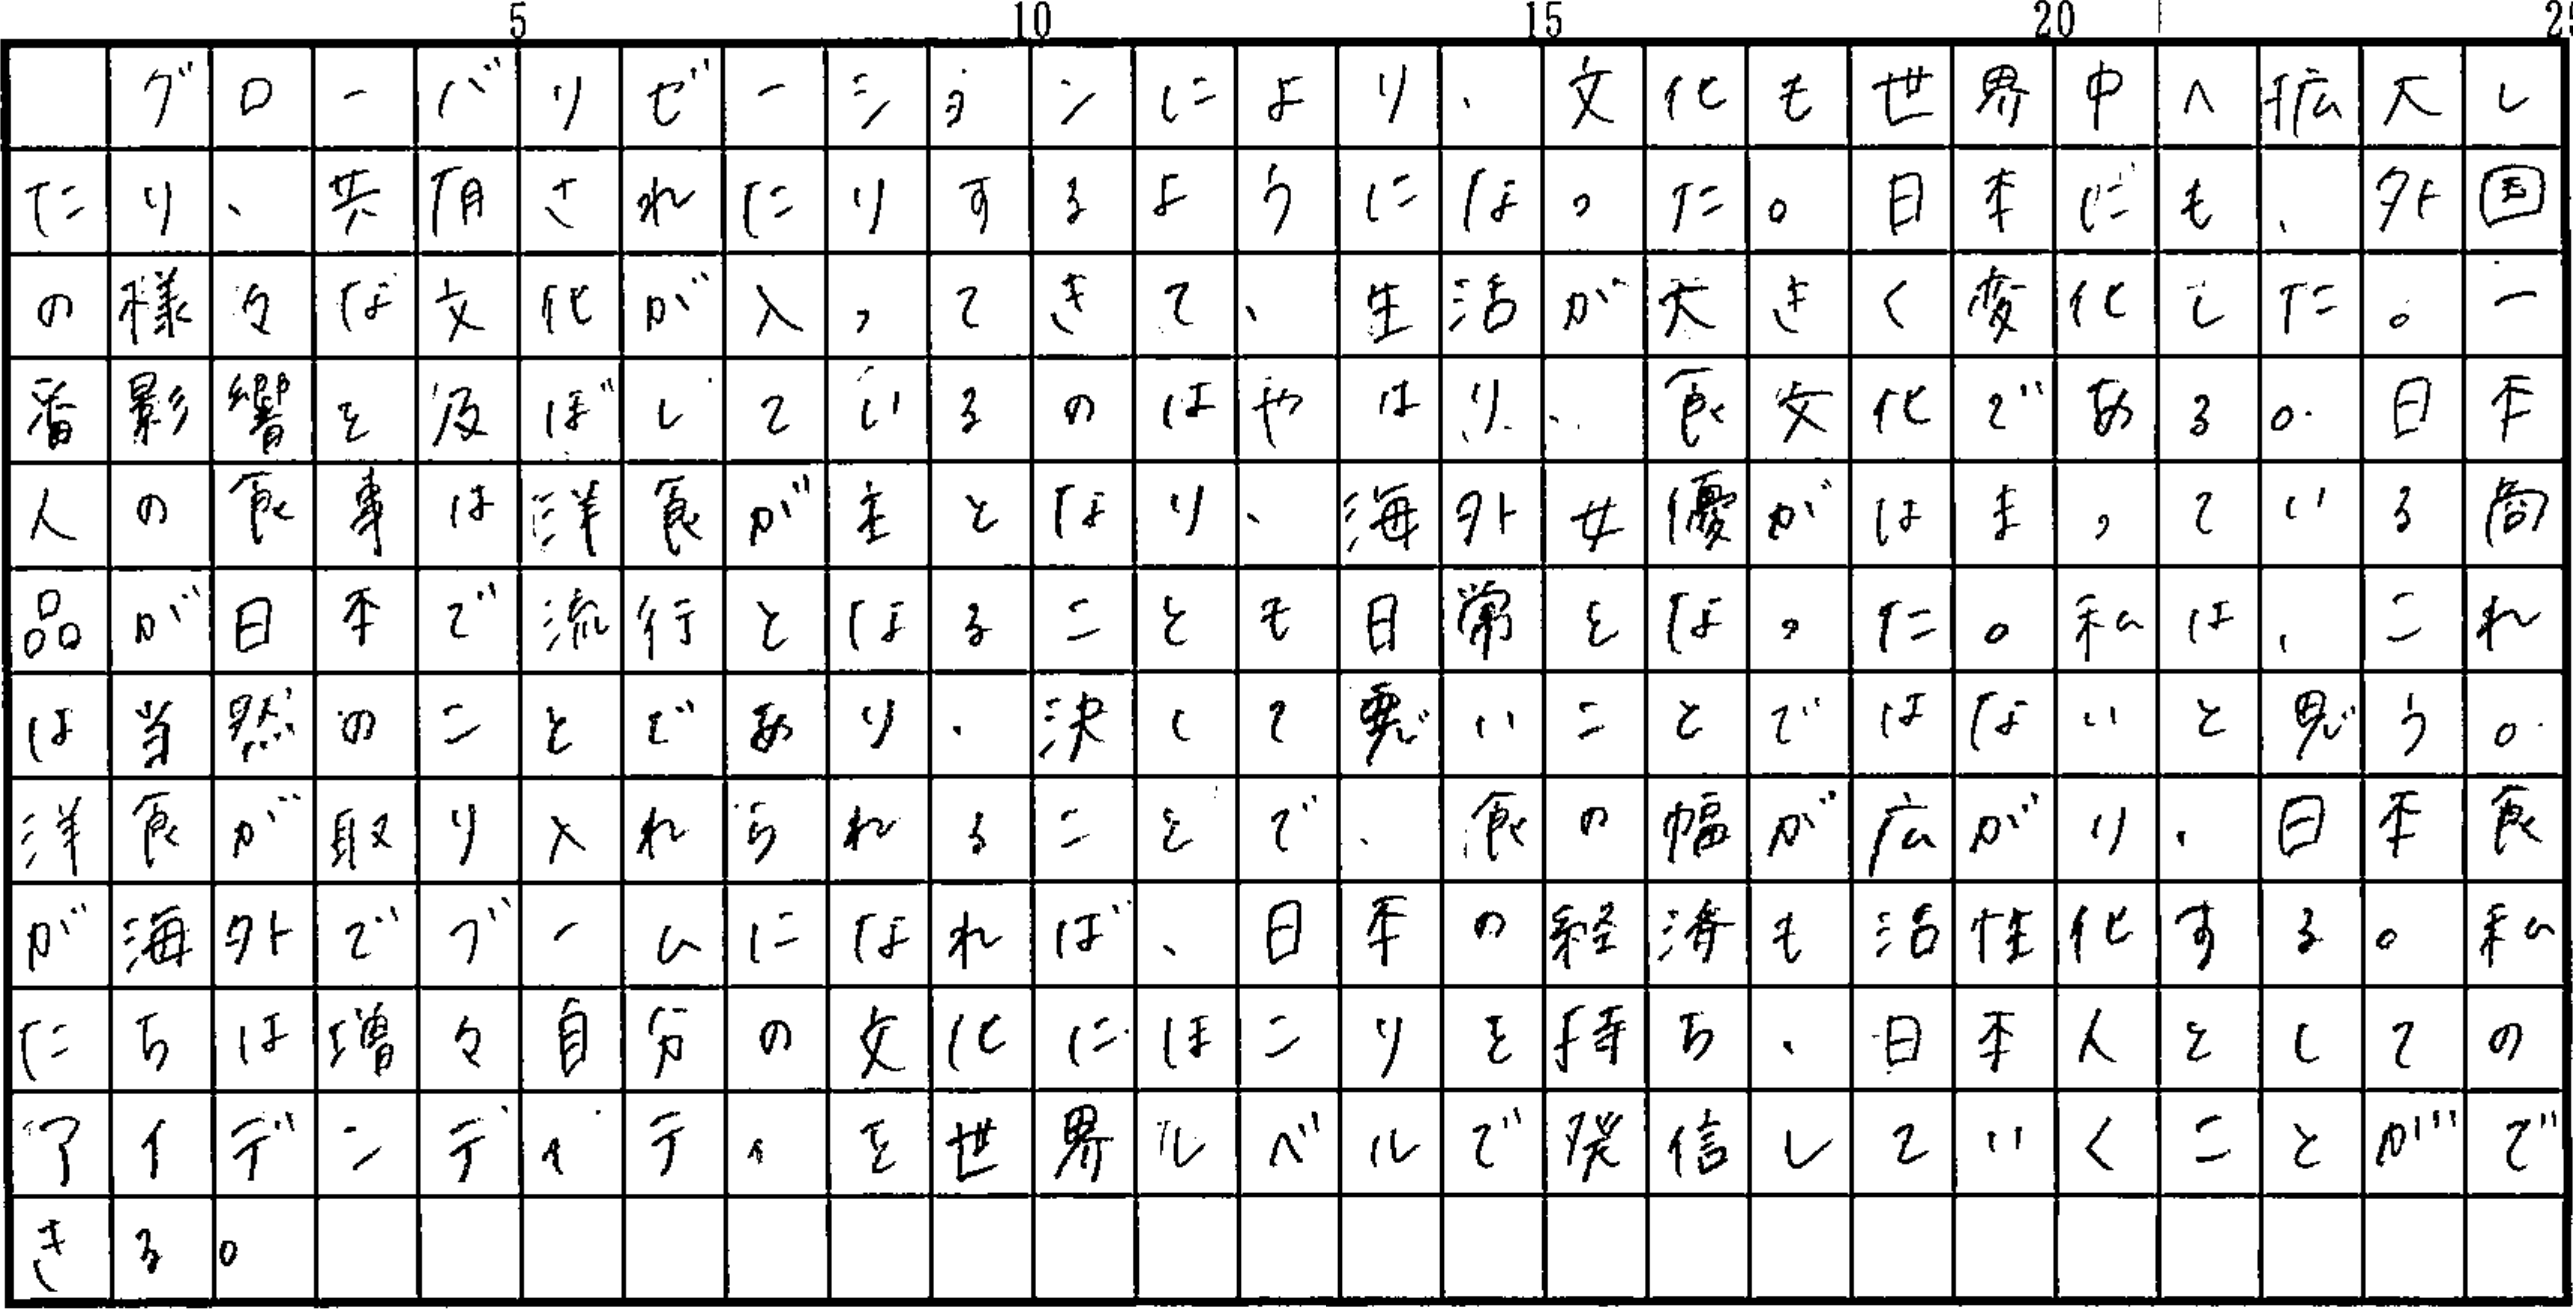　グローバリゼーションにより、文化も世界中へ拡大したり、共有されたりするようになった。日本にも、外国の様々な文化が入ってきて、生活が大きく変化した。一番影響を及ぼしているのはやはり、食文化である。日本人の食事は洋食が主となり、海外女優がはまっている商品が日本で流行となることも日常となった。私は、これは当然のことであり、決して悪いことではないと思う。洋食が取り入れられることで、食の幅が広がり、日本食が海外でブームになれば、日本の経済も活性化する。私たちは増々自分の文化にほこりを持ち、日本人としてのアイデンティティを世界レベルで発信していくことができる。
